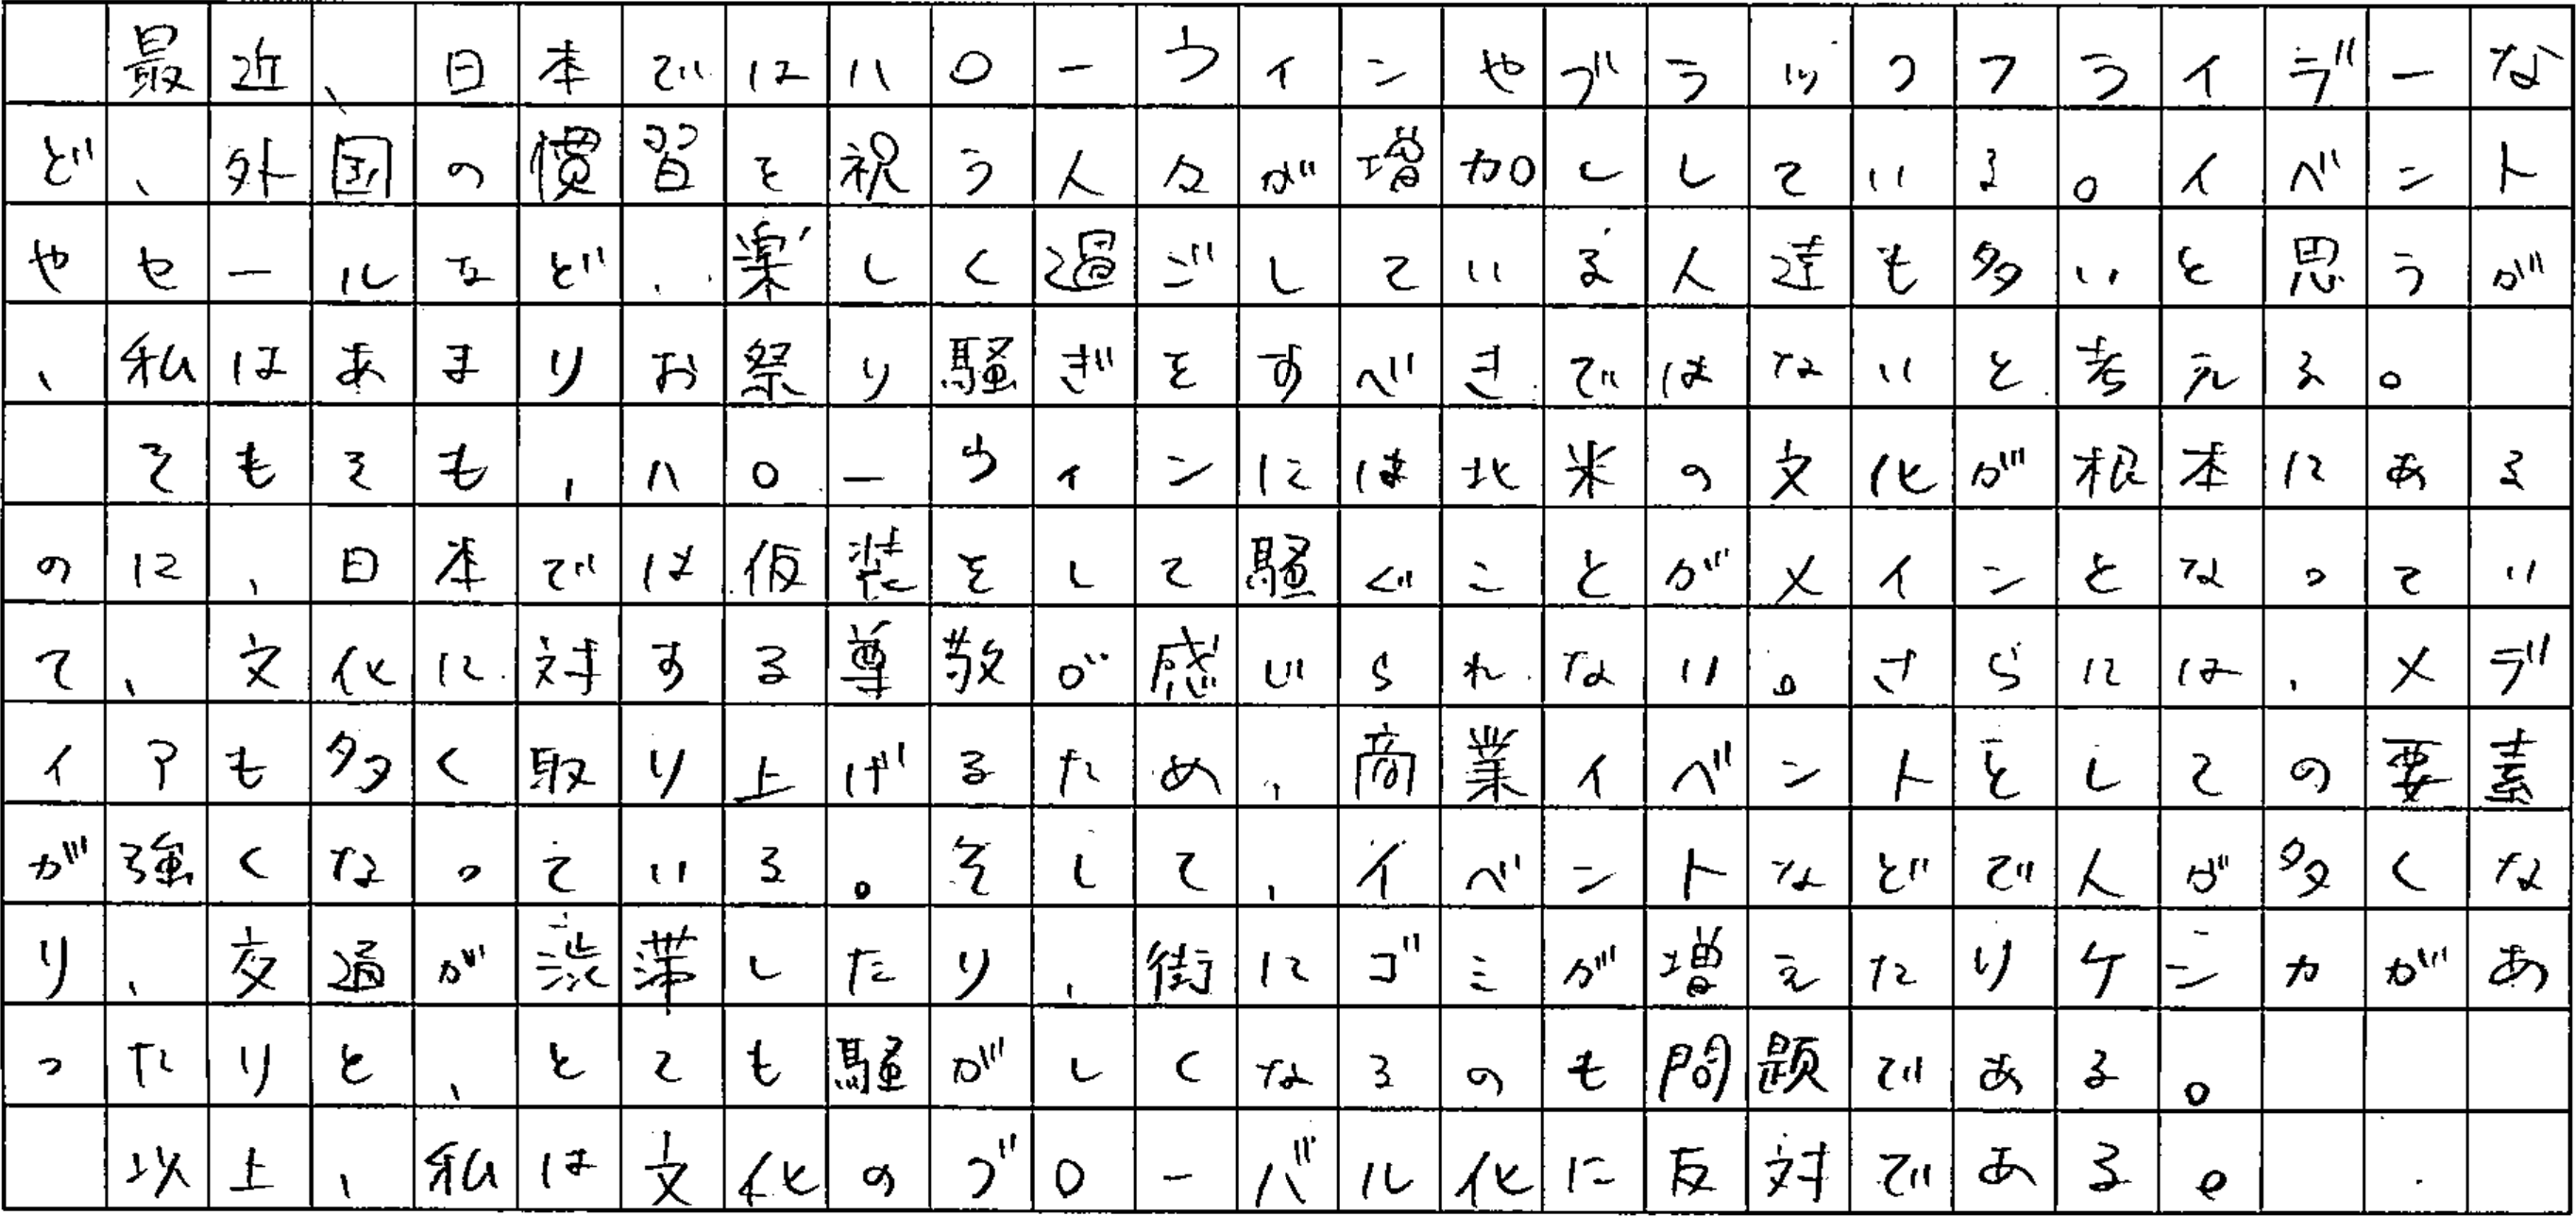　最近、日本ではハローウィンやブラックフライデーなど、外国の慣習を祝う人々が増加ししている。イベントやセールなど、楽しく過ごしている人達も多いと思うが、私はあまりお祭り騒ぎをすべきではないと考える。
　そもそも、ハローウィンには北米の文化が根本にあるのに、日本では仮装をして騒ぐことがメインとなっていて、文化に対する尊敬が感じられない。さらには、メディアも多く取り上げるため、商業イベントとしての要素が強くなっている。そして、イベントなどで人が多くなり、交通が渋滞したり、街にゴミが増えたりケンカがあったりと、とても騒がしくなるのも問▁である。
　以上、私は文化のグローバル化に反対である。
